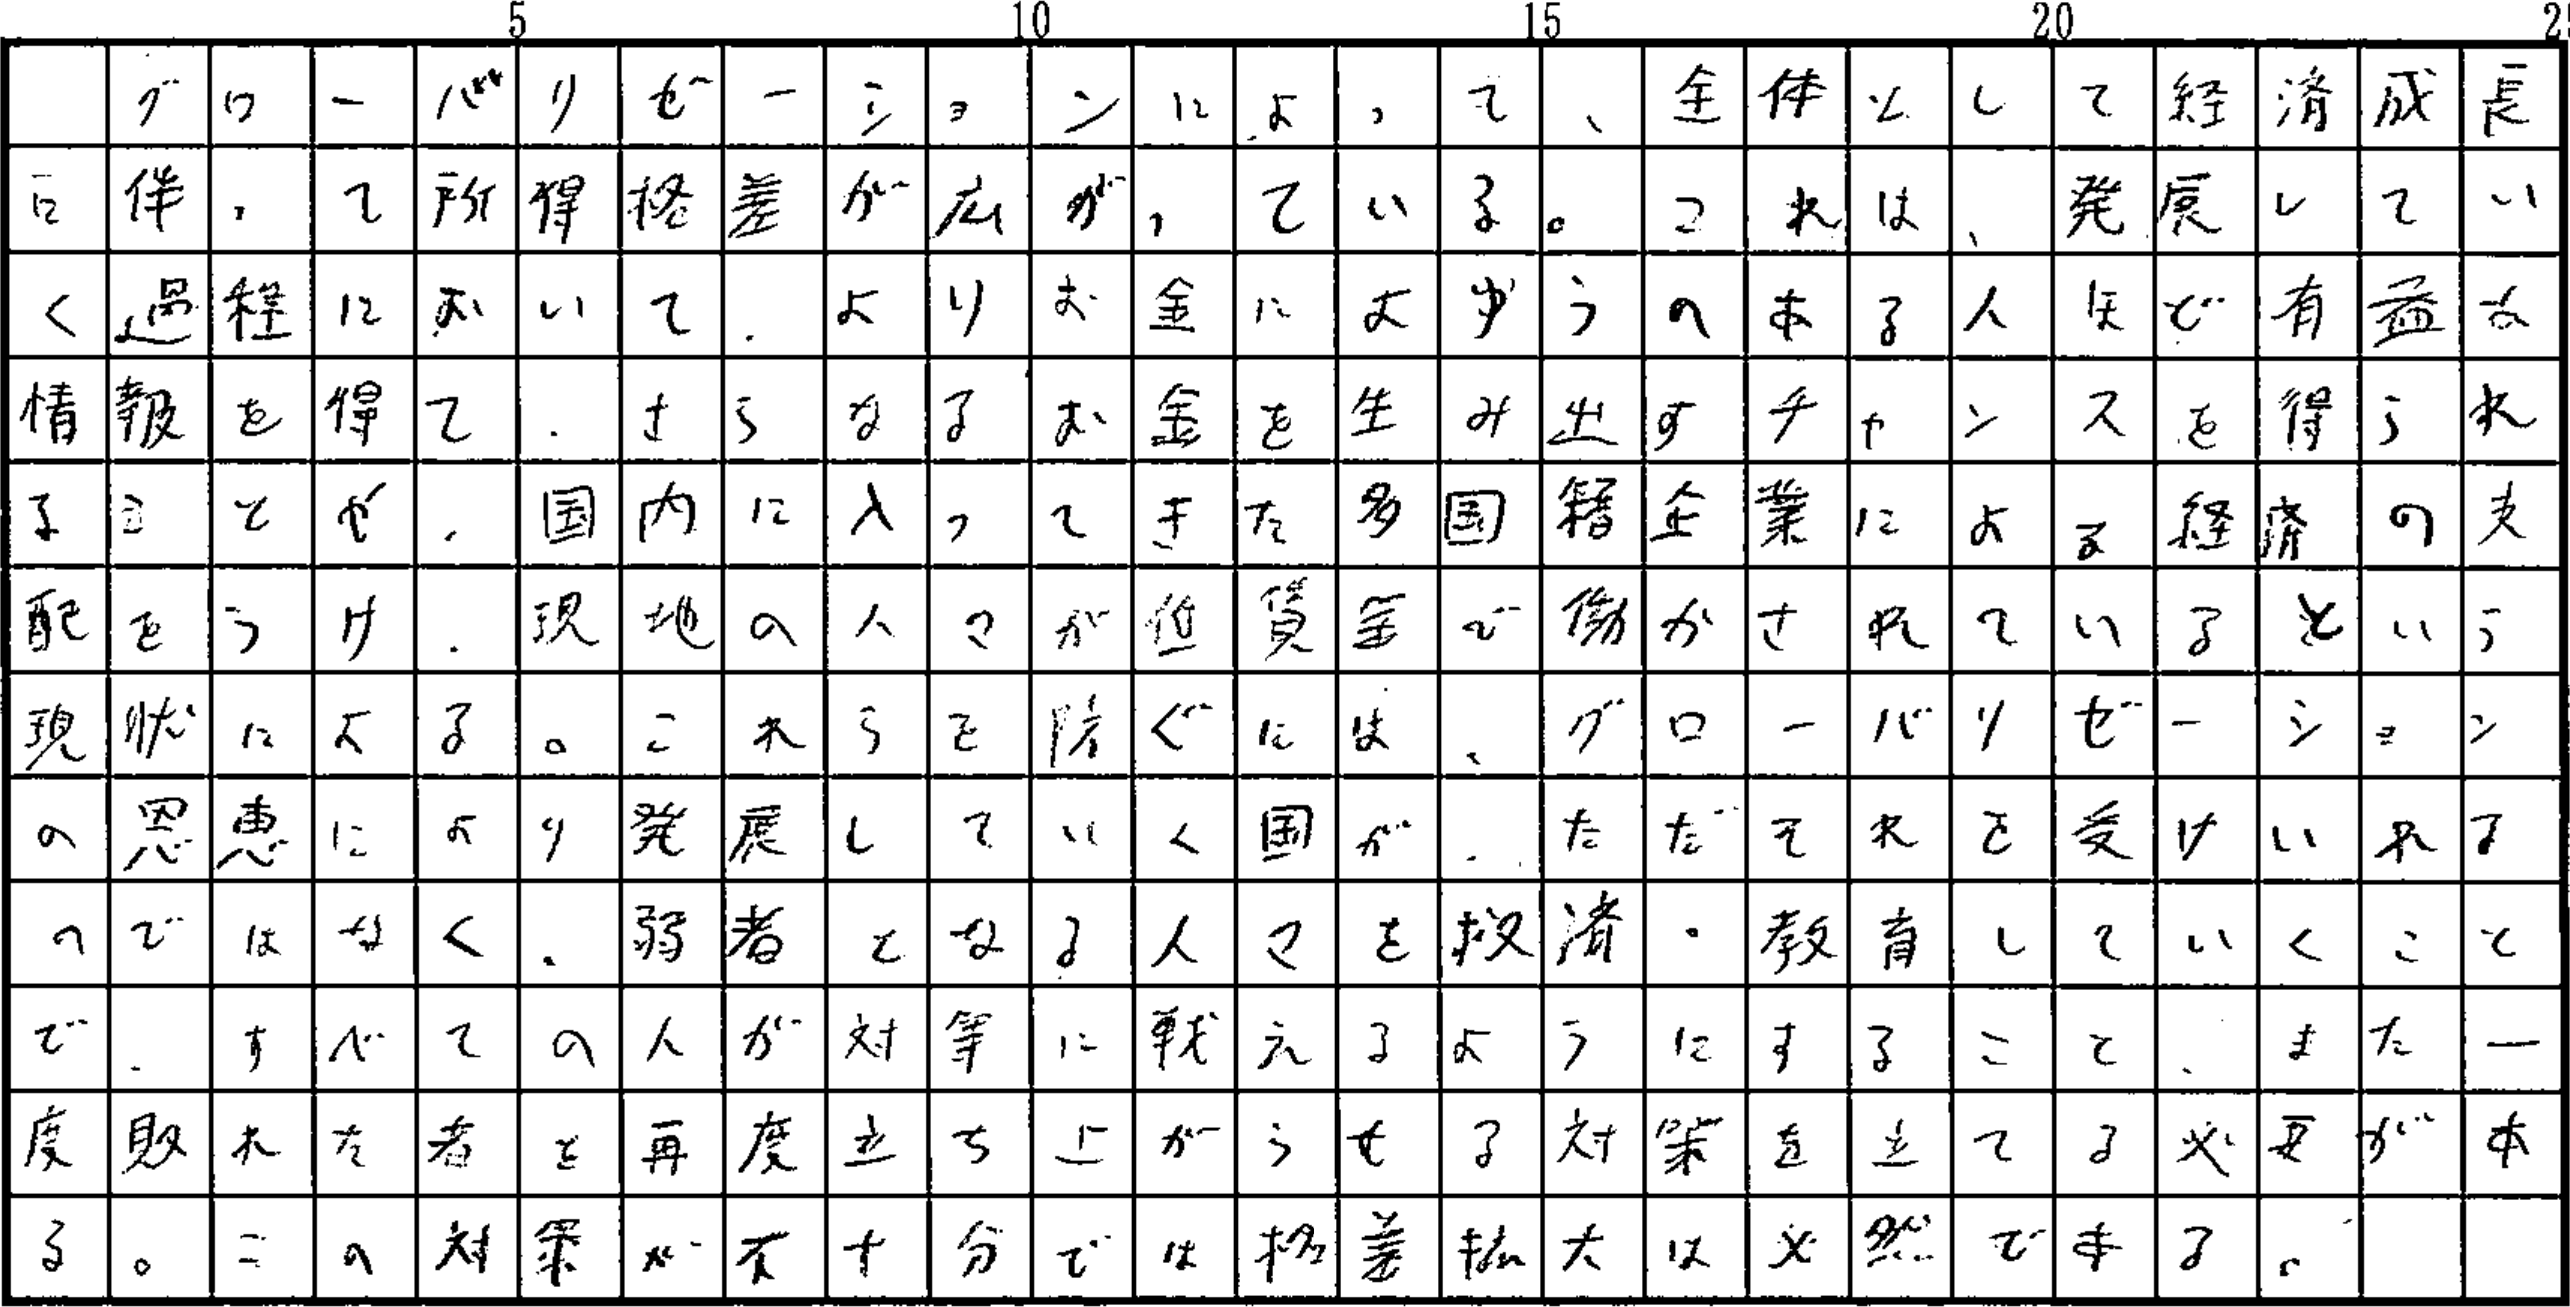　グローバリゼーションによって、全体として経済成長に伴って所得格差が広がっている。これは、発▁していく過程において、よりお金によゆうのある人ほど有益な情報を得て、さらなるお金を生み出すチャンスを得られることや、国内に入ってきた多国籍企業による経済の支配をうけ、現地の人々が低賃金で働かされているという現状による。これらを防ぐには、グローバリゼーションの恩恵により発展していく国が、ただそれを受けいれるのではなく、弱者となる人々を救済・教育していくことで、すべての人が対等に戦えるようにすること、また一度敗れた者を再度立ち上がらせる対策を立てる必要がある。この対策が不十分では格差拡大は必然である。
